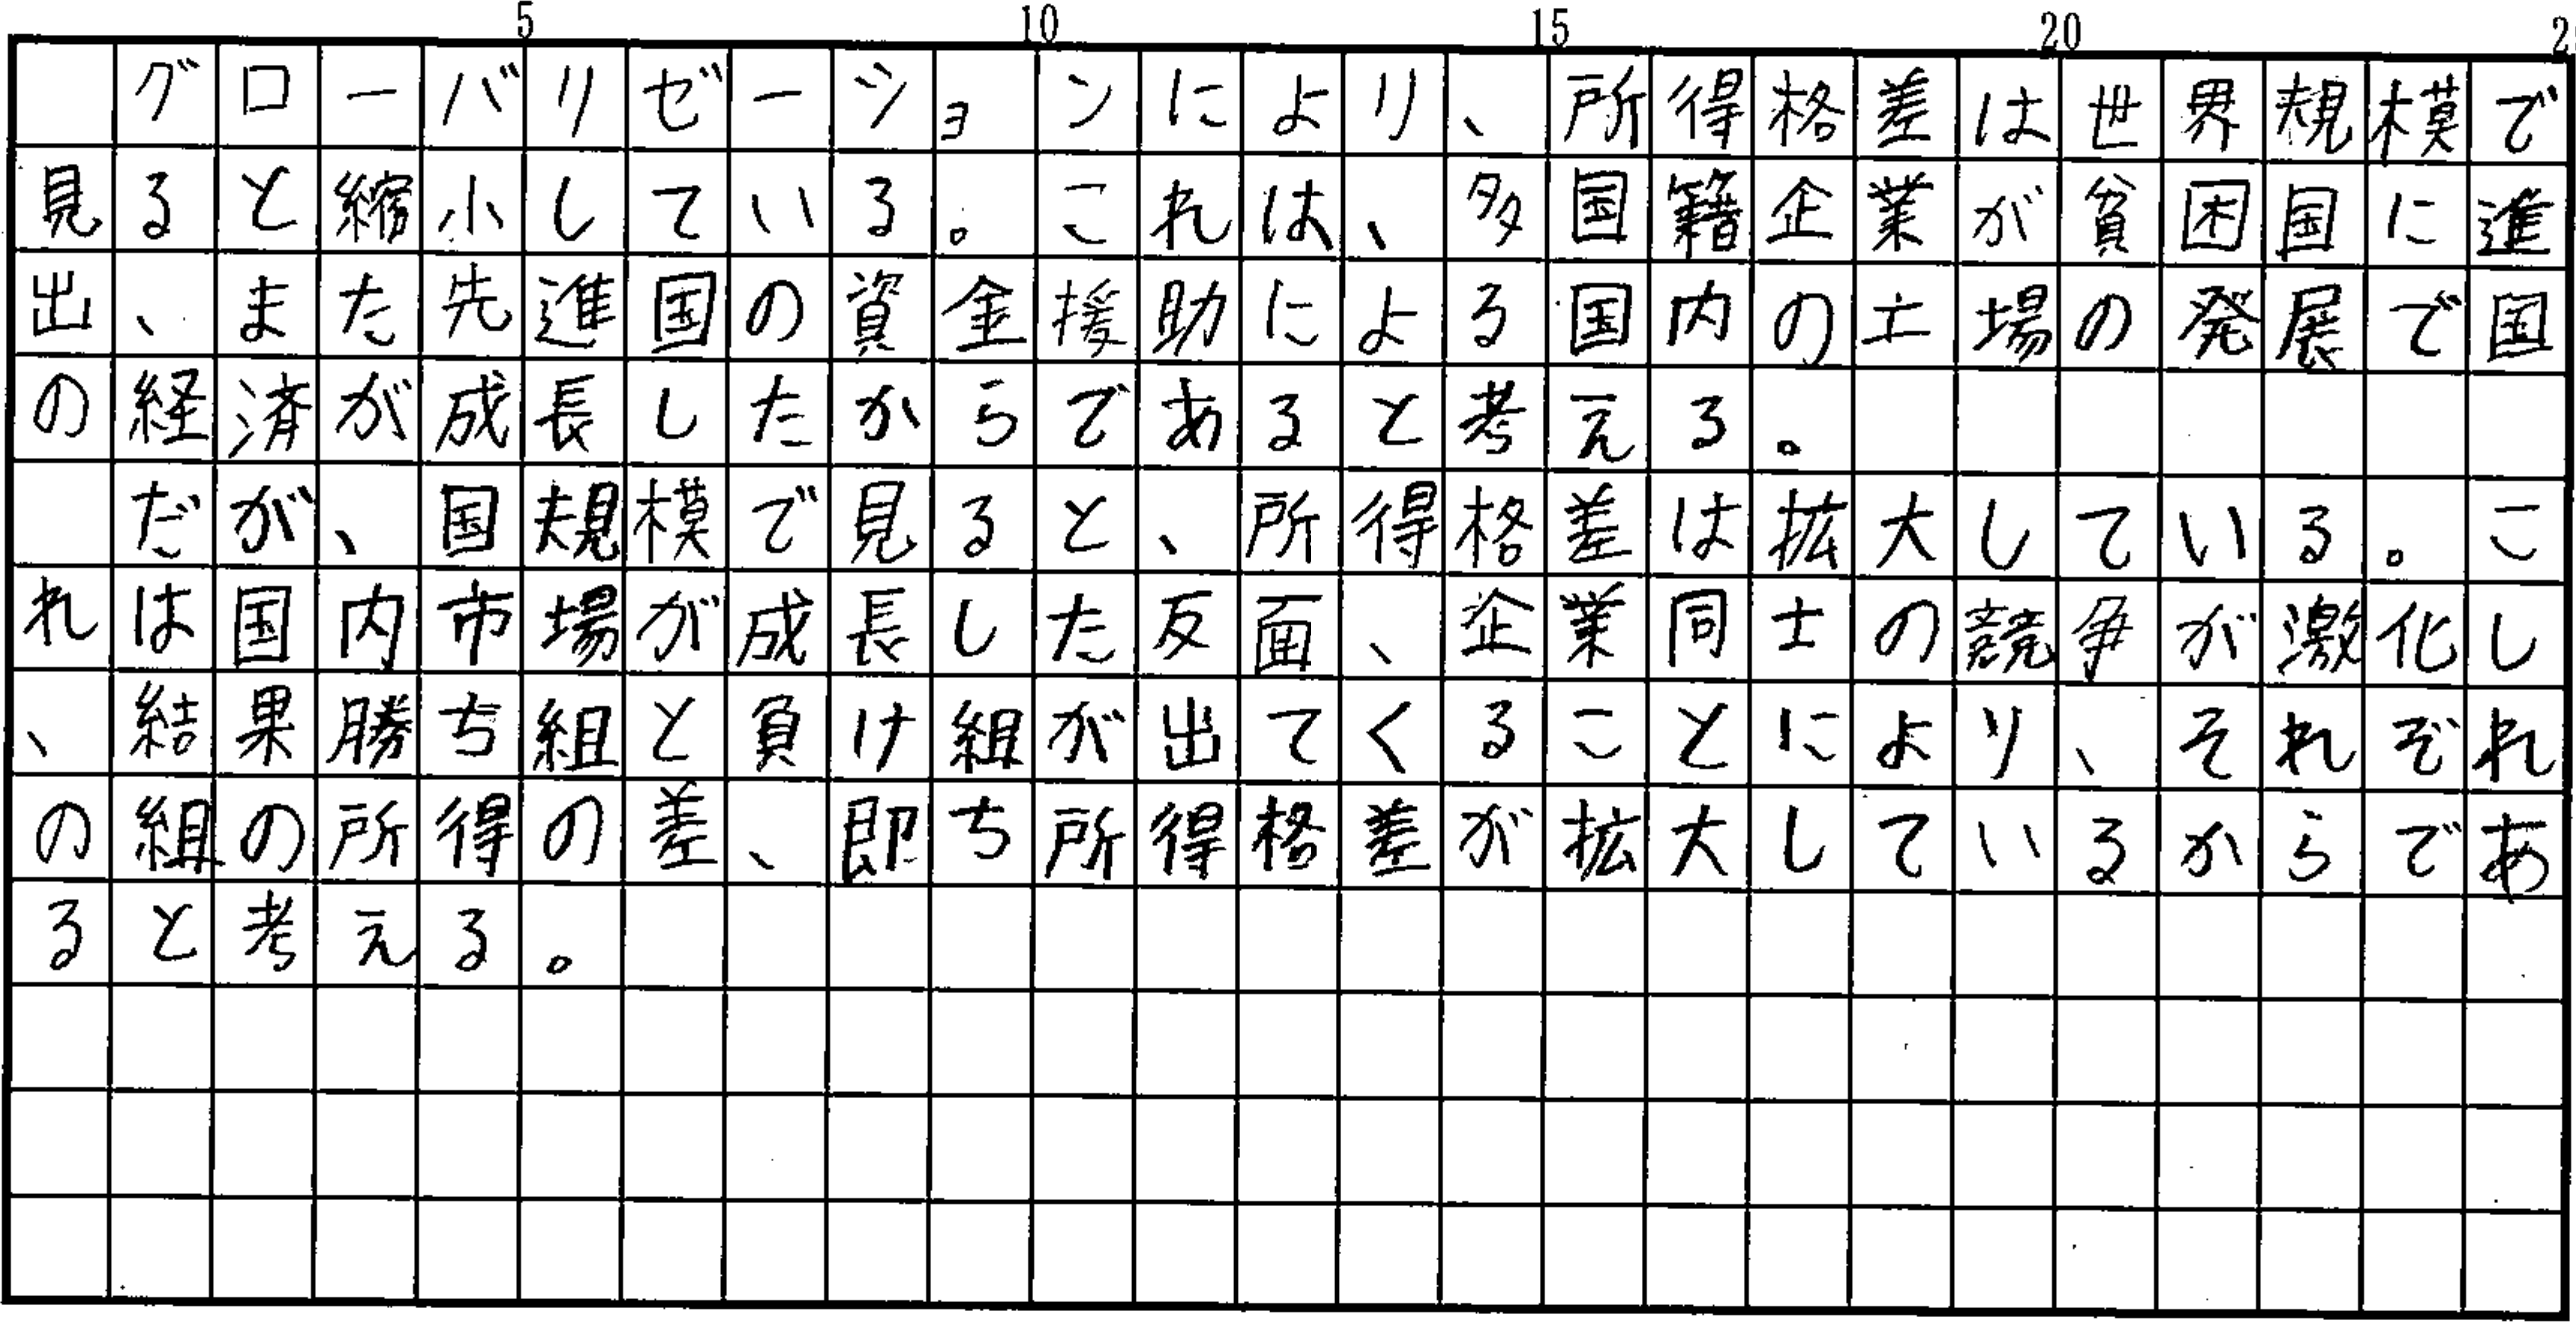　グローバリゼーションにより、所得格差は世界規模で見ると縮小している。これは、多国籍企業が貧困国に進出、また先進国の資金援助による国内の工場の発展で国の経済が成長したからであると考える。
　だが、国規模で見ると、所得格差は拡大している。これは国内市場が成長した反面、企業同士の競争が激化し、結果勝ち組と負け組が出てくることにより、それぞれの組の所得の差、即ち所得格差が拡大しているからであると考える。
